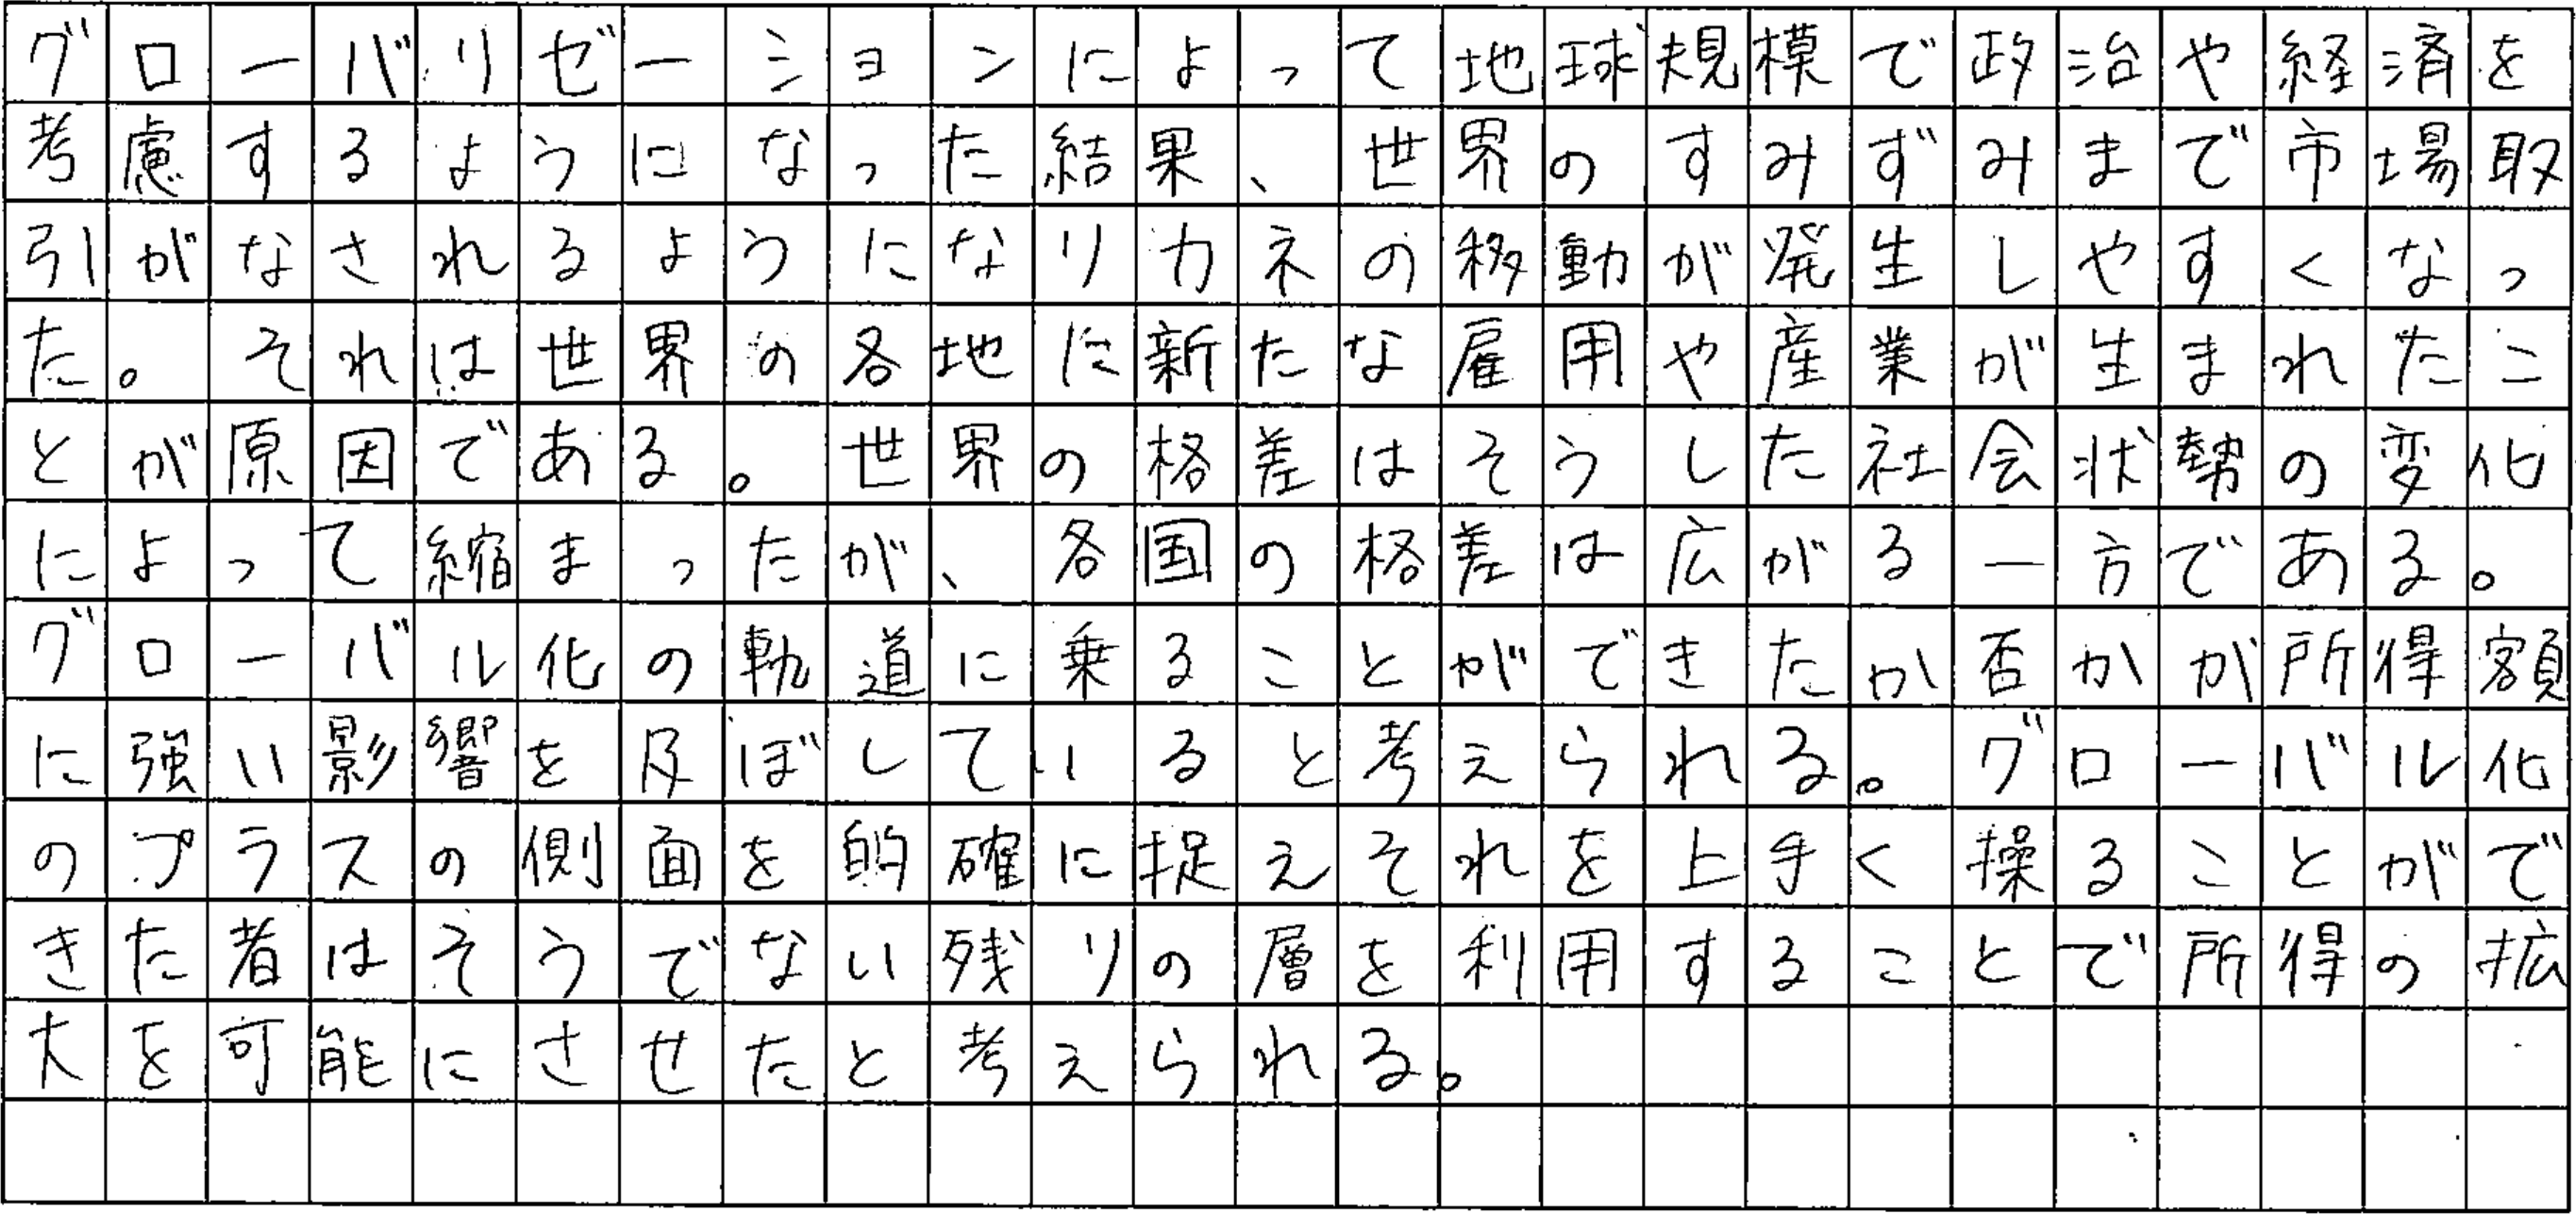グローバリゼーションによって地球規模で政治や経済を考慮するようになった結果、世界のすみずみまで市場取引がなされるようになりカネの移動が発生しやすくなった。それは世界の各地に新たな雇用や産業が生まれたことが原因である。世界の格差はそうした社会状勢の変化によって縮まったが、各国の格差は広がる一方である。グローバル化の軌道に乗ることができたか否かが所得額に強い影響を及ぼしていると考えられる。グローバル化のプラスの側面を的確に捉えそれを上手く操ることができた者はそうでない残りの層を利用することで所得の拡大を可能にさせたと考えられる。
